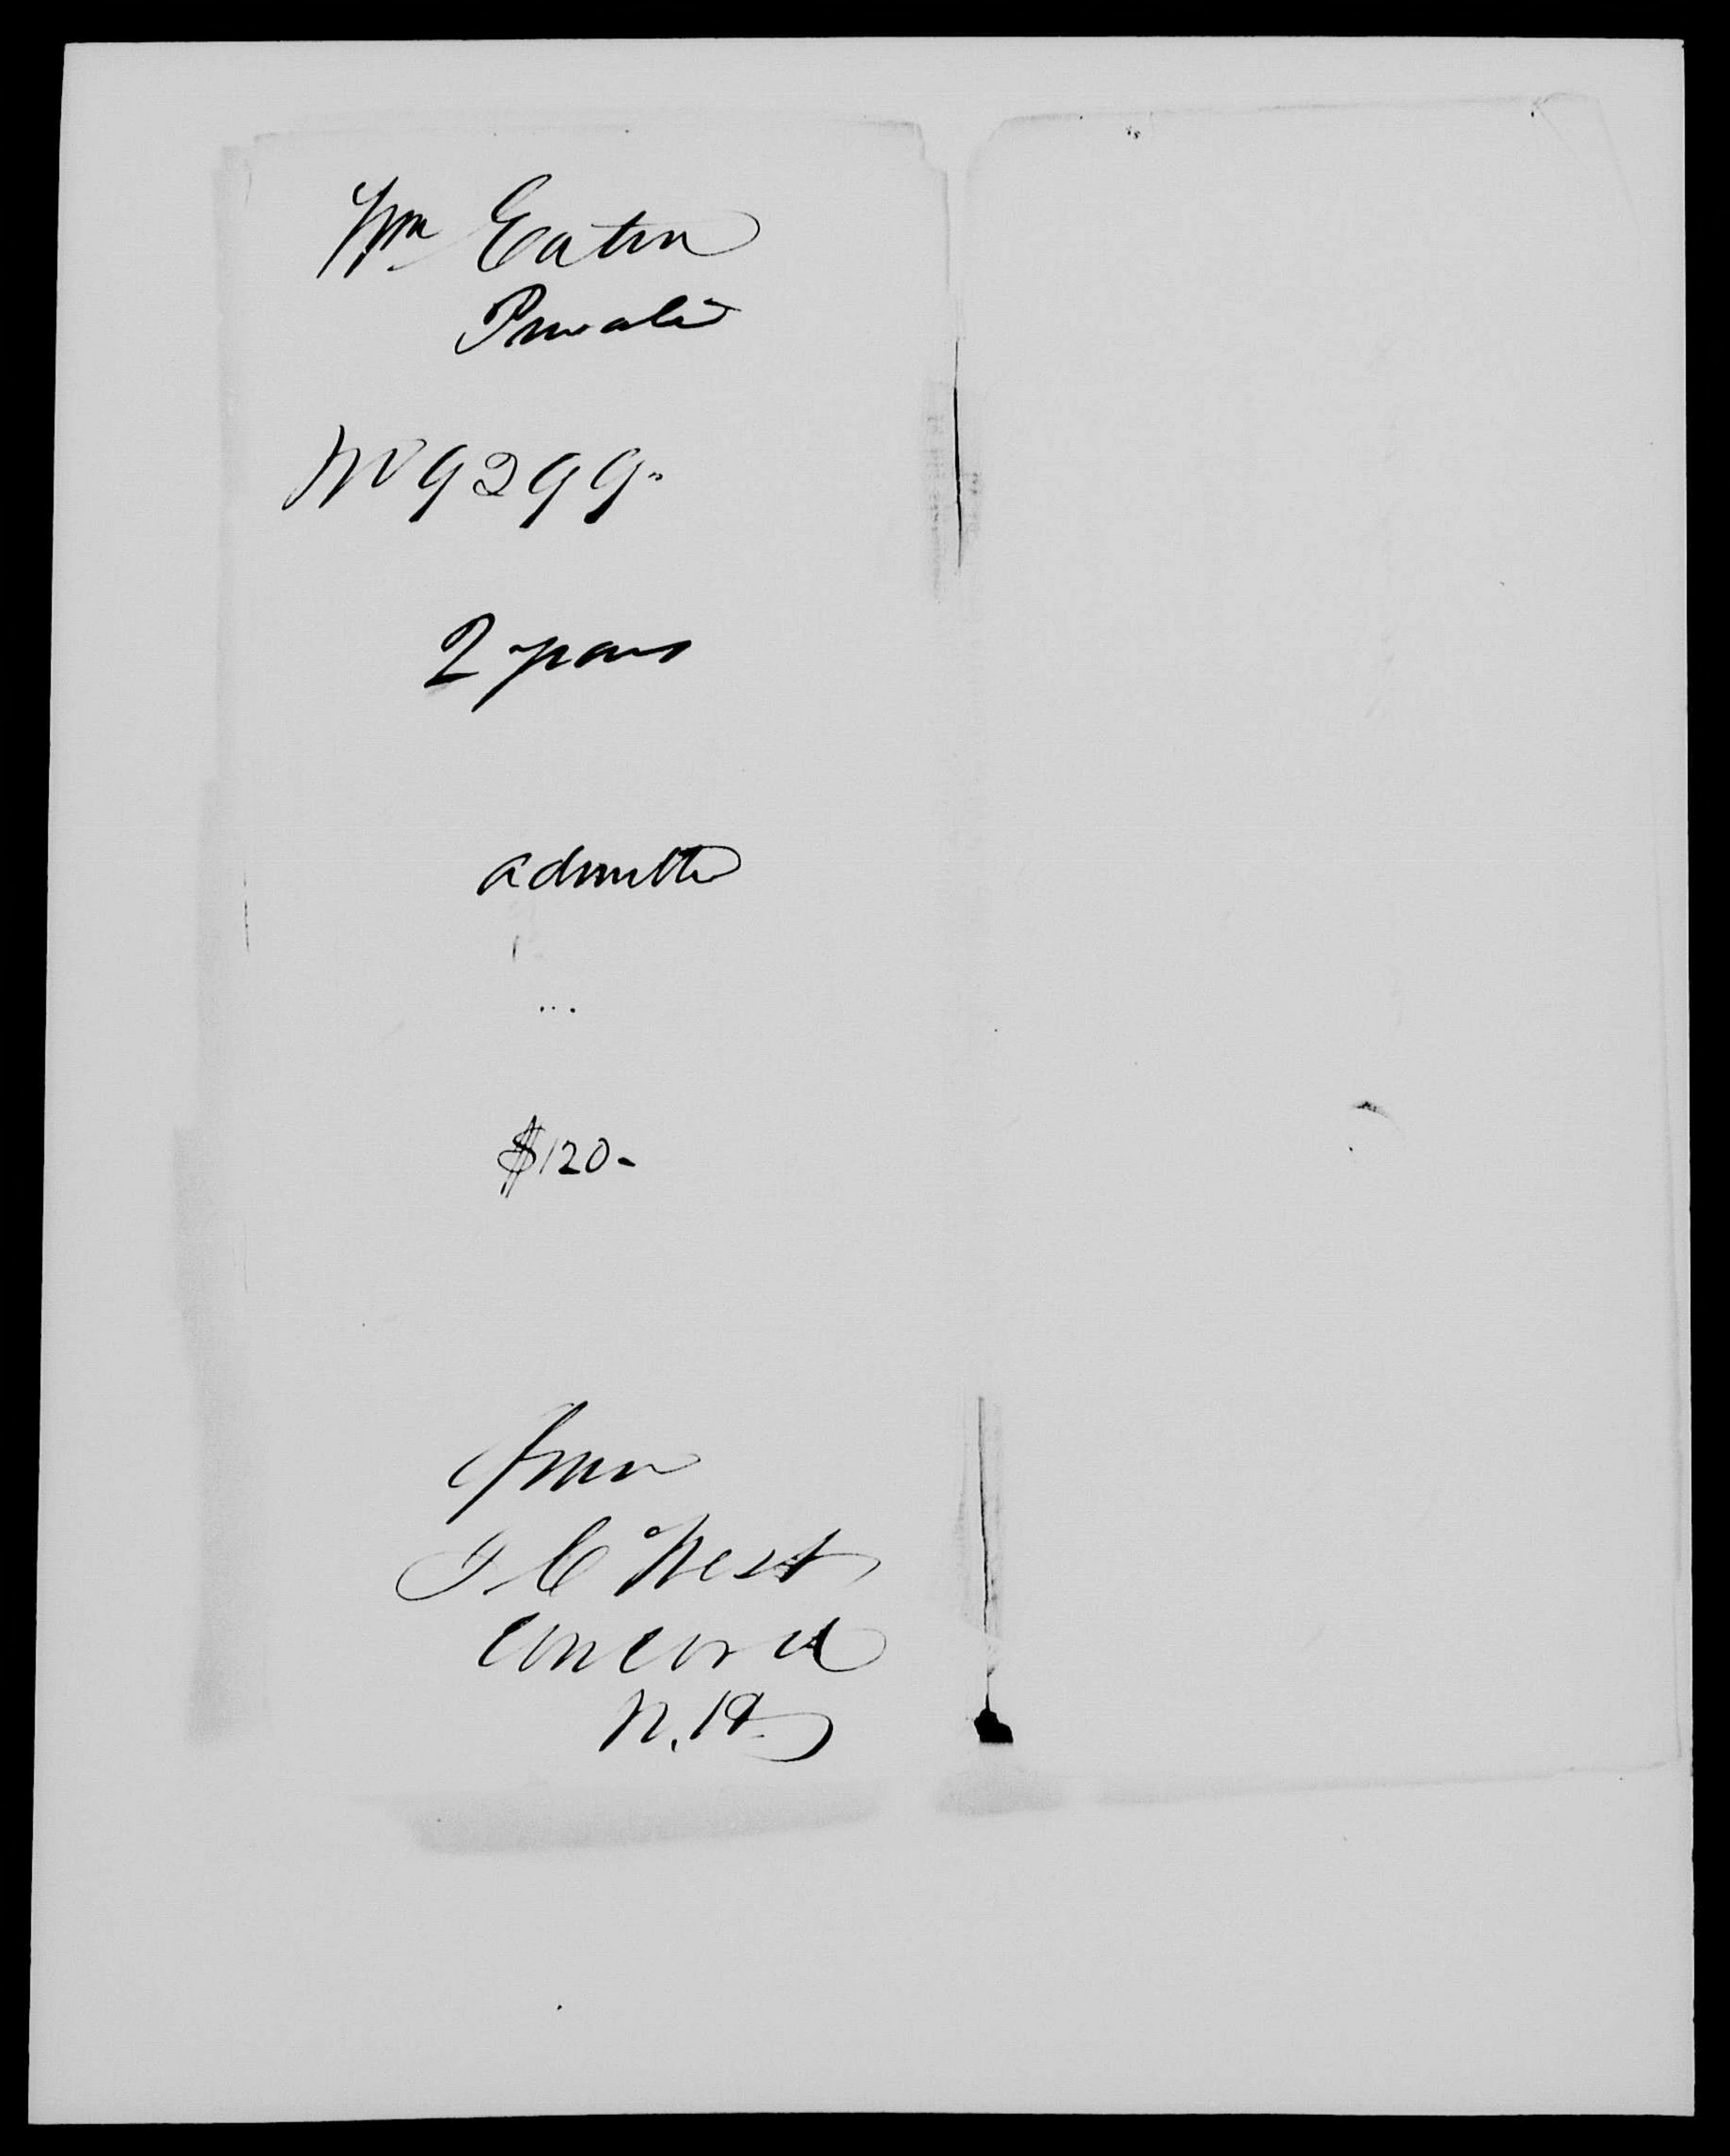Wm Eaton Private 
No 9299. 
2 years Admitted 
$120- 
John West 
ConcordN. H.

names: J C West, Wm Eaton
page: 7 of 21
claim: survivor's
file: S. 16374, William Eaton, Continental Mass. N.H.